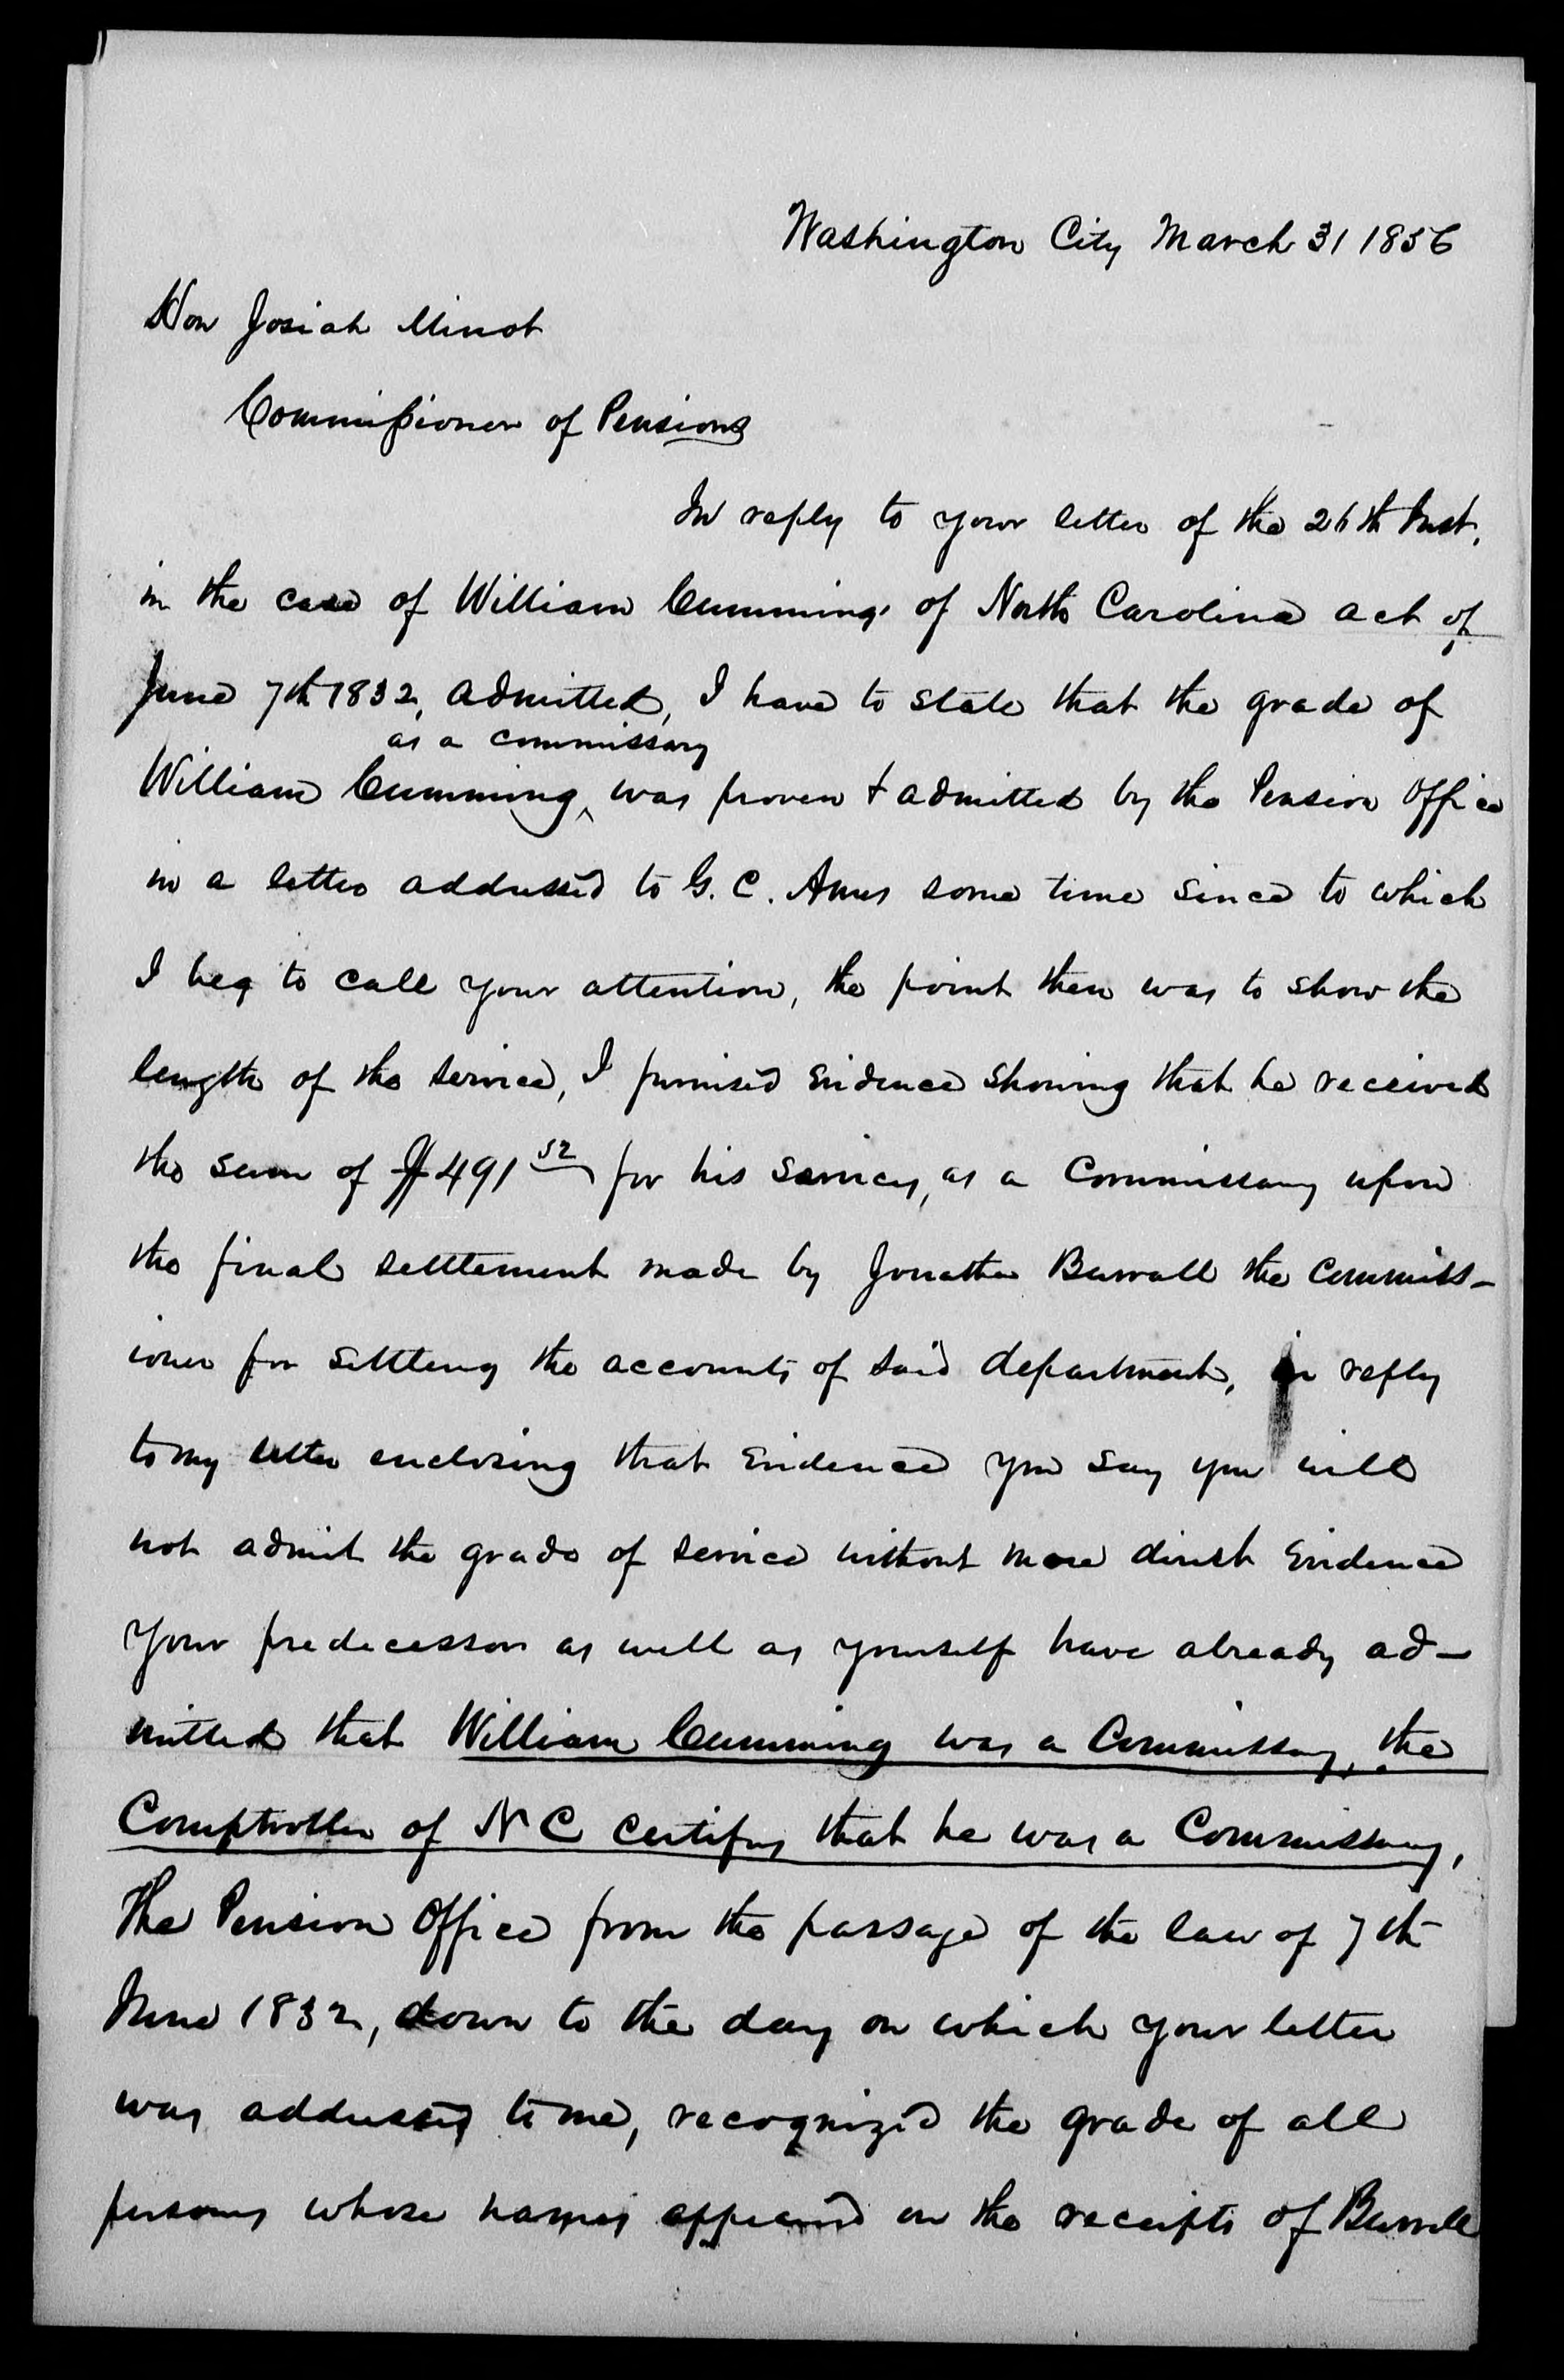[Handwritten letter.  First page of two-page letter from A H Markland. Occasional spacing has been included to make the long text block easier to read.]

Washington City March 31 1856

Hon Josiah Minot
Commissioner of Pensions

In reply to your letter of the 26th Inst, [Instant, or of this month, so March 26, 1856] in the case of William Cumming, of North Carolina act of June 7th 1832, admitted, I have to state that the grade of William Cumming ^ as a Commissary was proven and admitted by the Pension Office in a letter addressed to G. C. Ames some time Since to which I beg to call your attention,

the point then was to show the length of the Service, I promised Evidence Showing that he received the sum of [illegible monetary sign] 491.52 for his Services, as a Commissary upon the final settlement made by Jonathn Burrall [or Burrell] the Commissioner for Settling the accounts of Said departments,

[Here the word "in" was partially blotted with ink] in reply to my letter enclosing that Evidence you say you will not admit the grade of Service without more direct Evidence

Your predecessor as well as yourself have already admitted that [here the following 15 words including the NC state initials, are all underlined:] William Cumming was a Commissary, the Comptroller of NC certifies that he was a Commissary,

The Pension Office from the passage of the law of 7th June 1832, down to the day on which your letter was addressed to me, recognized the grade of all persons whose names appeared on the receipts of Burrell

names: William Cumming, Burrell, Josiah Minot, Jonathan Burrall, G C Ames, William Cumming, William Cummings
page: 130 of 145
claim: survivor's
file: S. 8265, William Cumming, N.C.